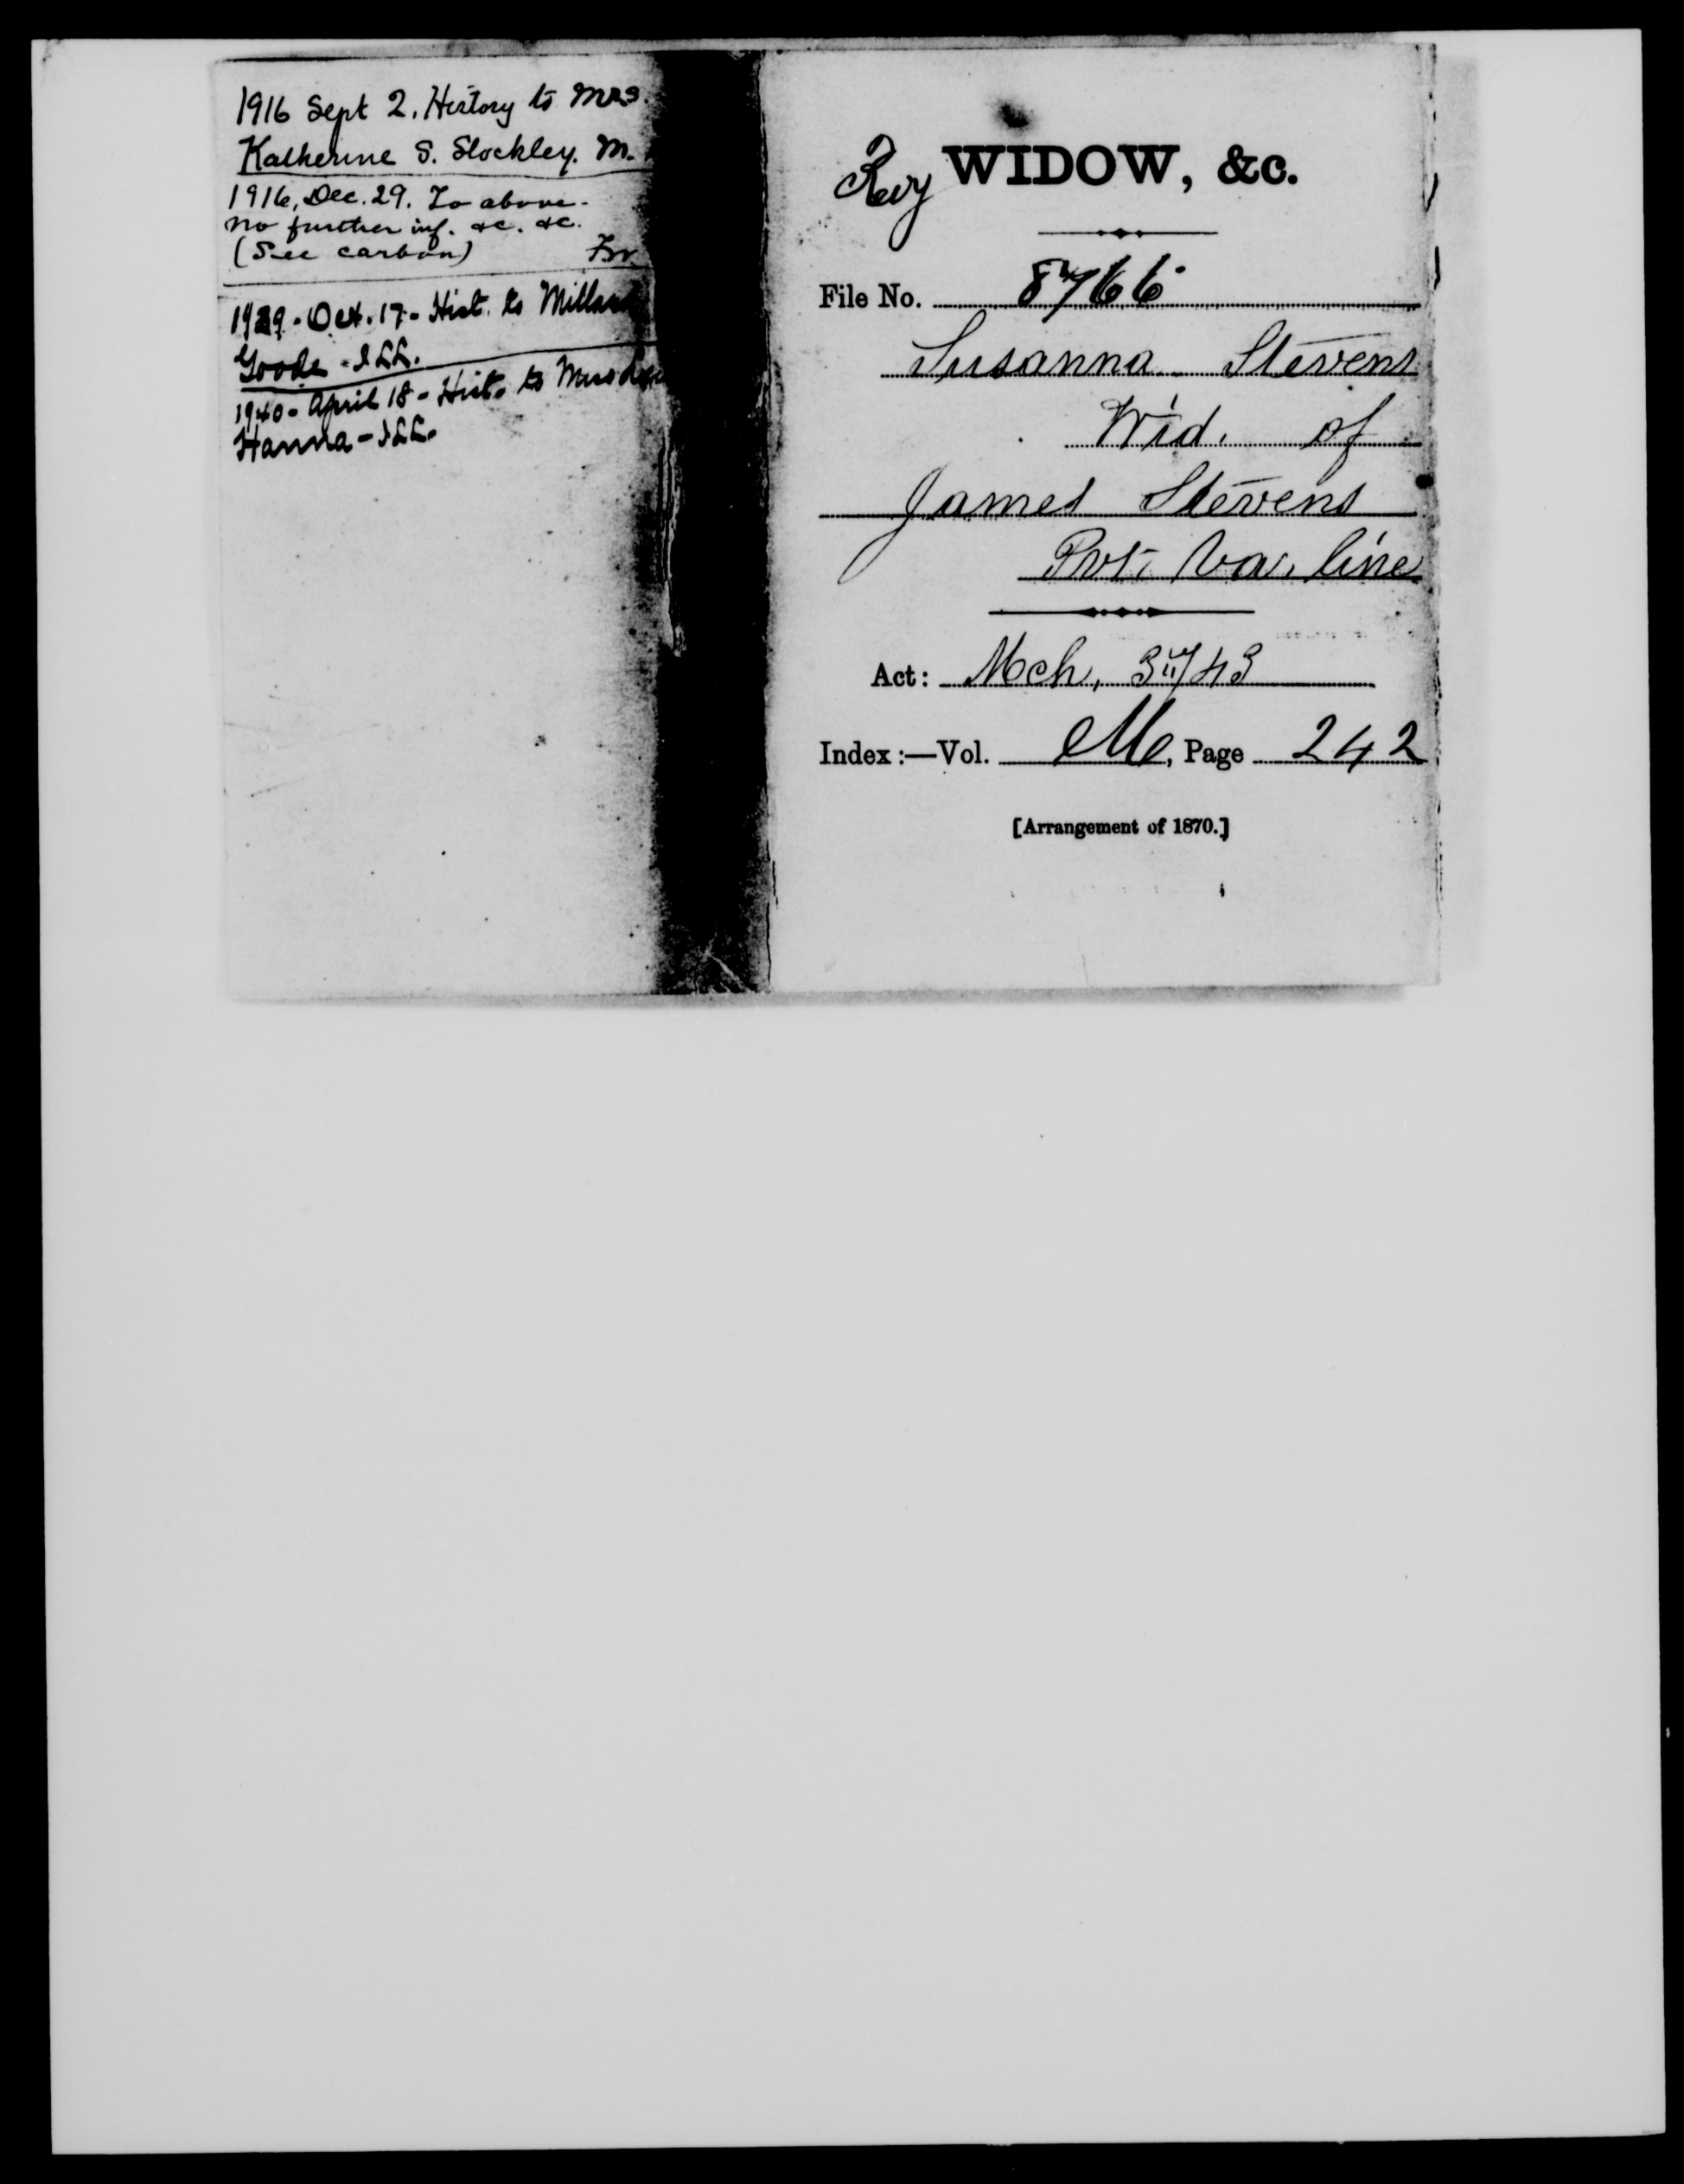1916 Sept 2. History to Mrs.
Katherine S. Slockley. M.
1916, Dec. 29. To above.
No further inf. & c. & c.
(See carbon)
1939 - Oct. 17. - Hist. to Millard
Goode - ILL.
1940 - April 18 - Hist. to Miss Leo Hanna - ILL.

WIDOW, &c.
File No. 8766
Susanna Stevens
Wid. of
James Stevens ┃
Pvt. Va line
Act: Moch, 3743
Index: - Vol. M, Page 242
[Arrangement of 1870.]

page: 46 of 99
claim: widow's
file: W 8766, for James Stevens, Virginia